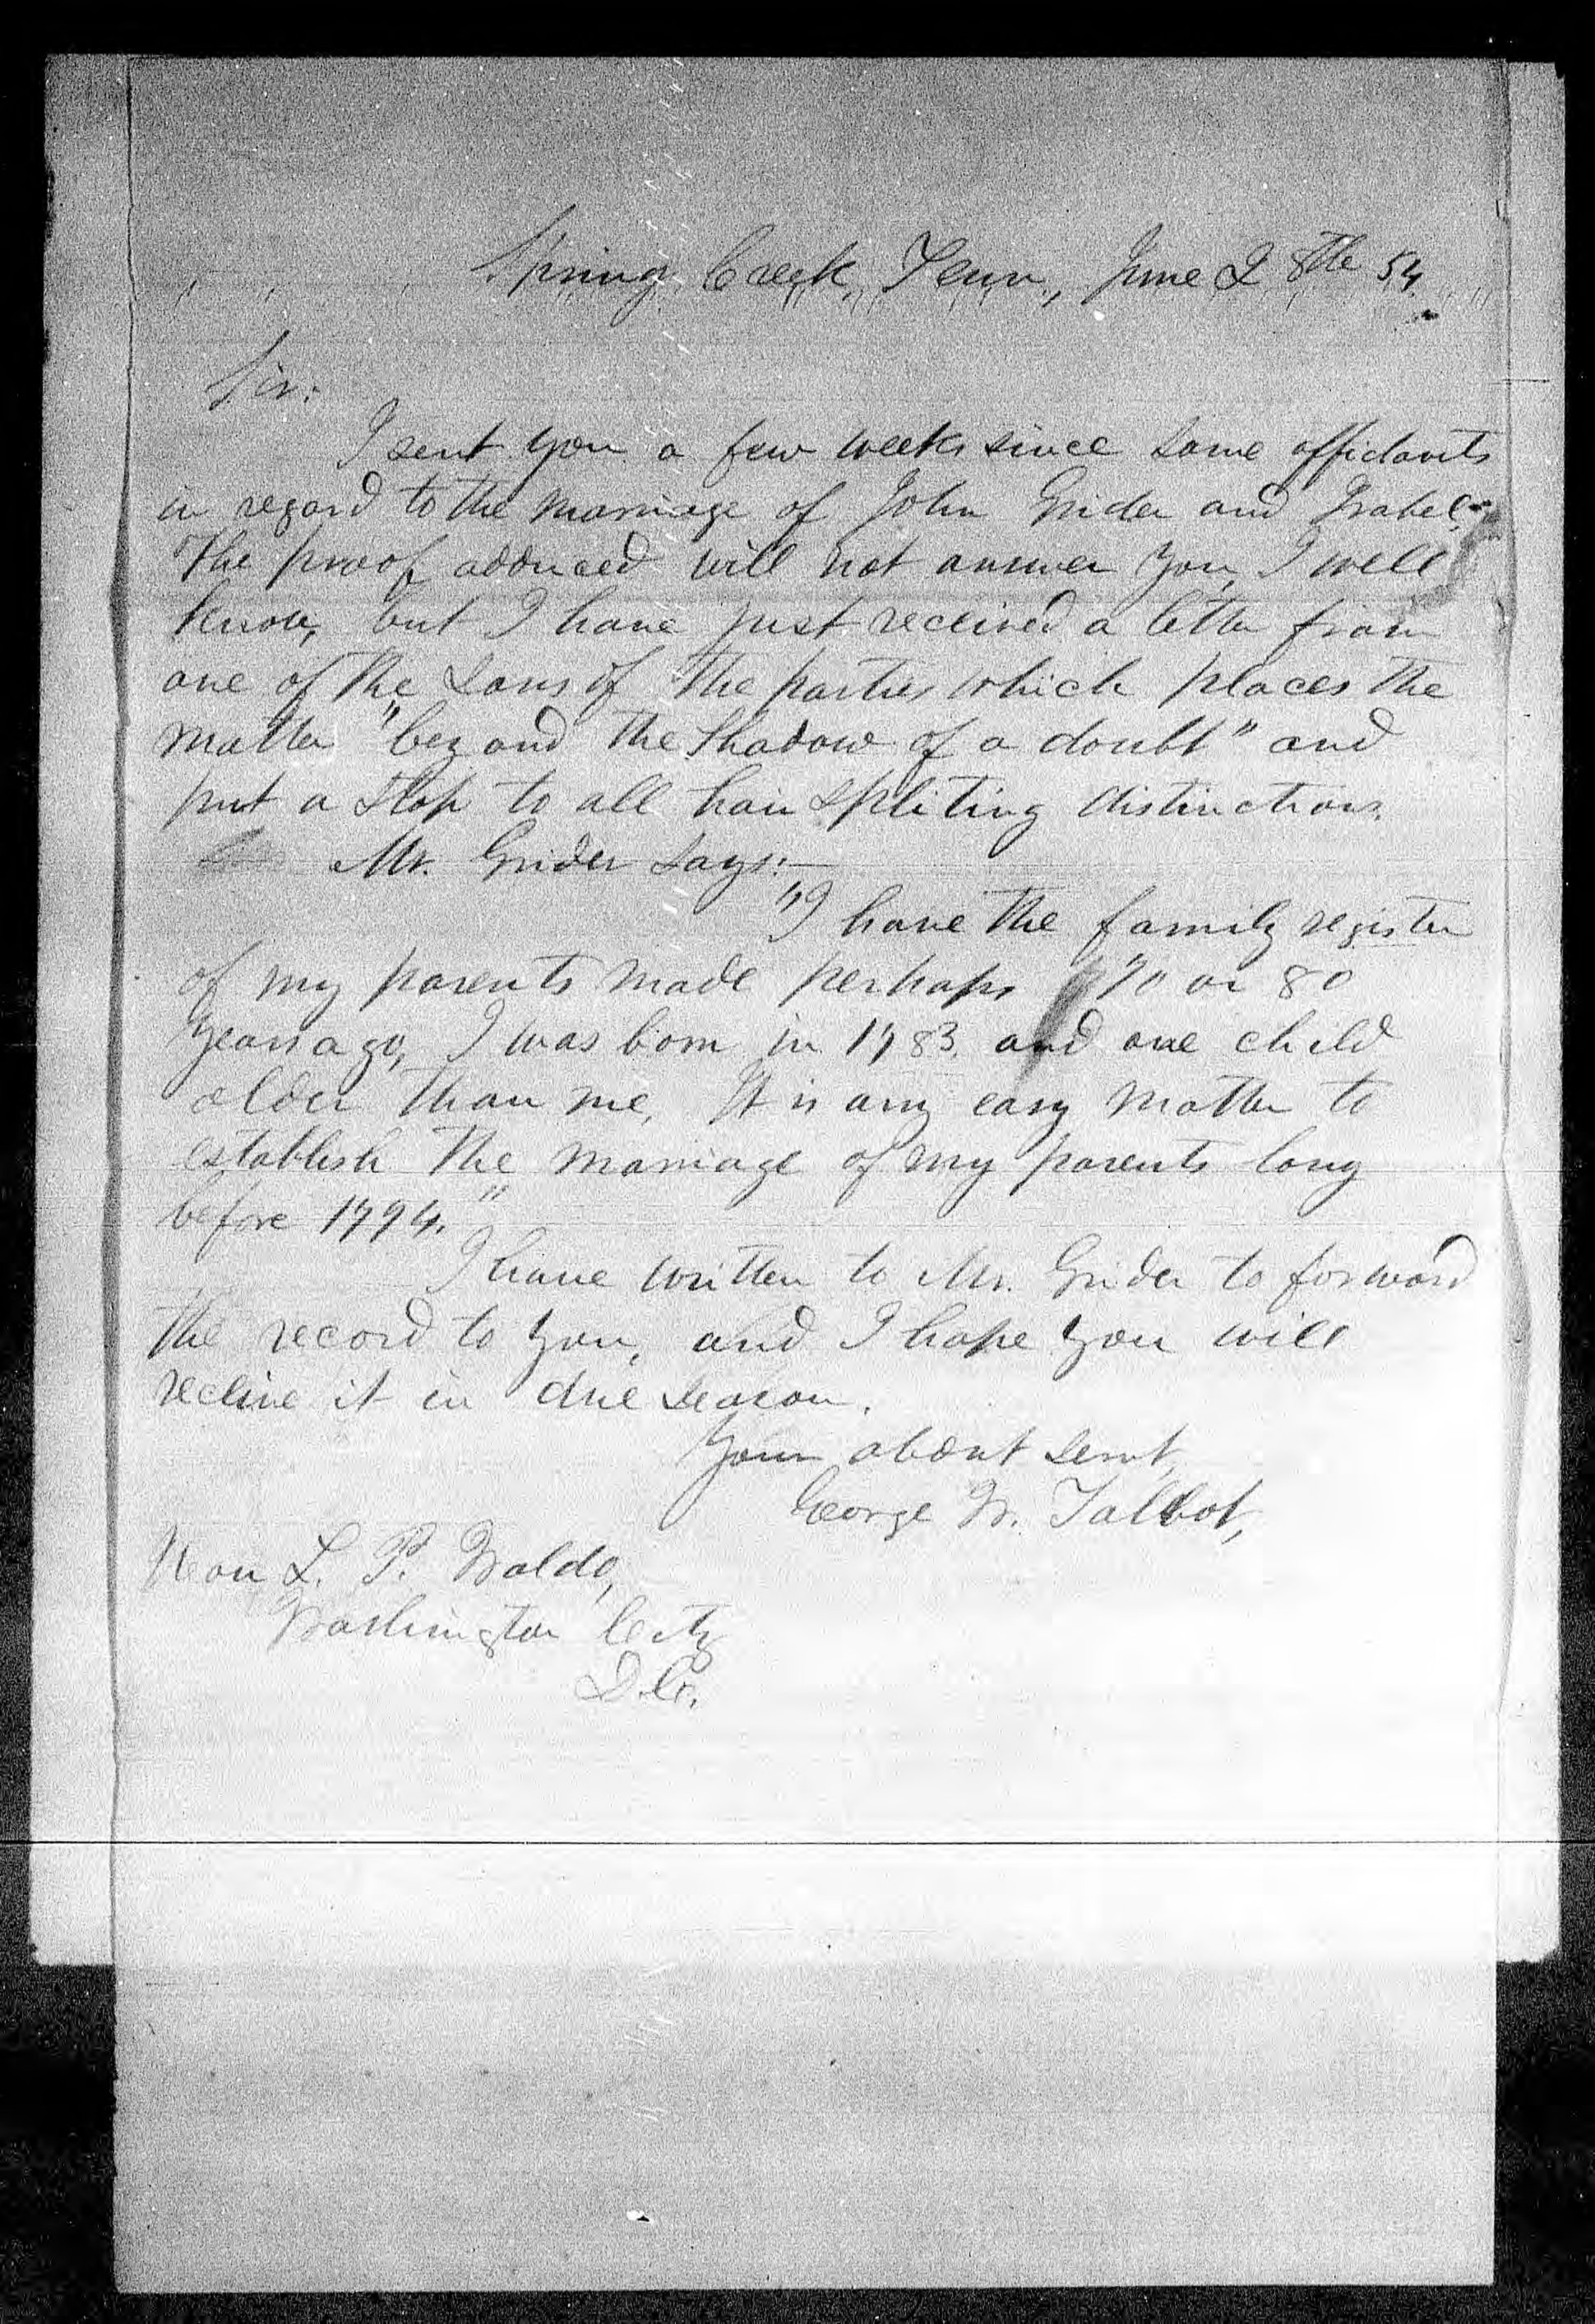Spring Creek, Tenn, June 2nd 54

Sir: 

     I sent you a few weeks since some affidavits in regard to the marriage of John Grider and Isabel, The proof [illegible] will not  answer you I well know, but I have just received a letter from one of the sons of the parties which places the mother " beyond a shadow of a doubt" and put a stop to all hair spliting [splitting] distractions.

     Mr. Grider says:-
          "I have the family register of my parents made perhaps 70 or 80 years ago, I was born in 1783 and one child older than me. It is an easy matter to establish the marriage of my parents long before 1794."
      I have written to Mr. Grider to forward the record to you, and I hope you will receive it in due season.

Your Obent Servt,
George W. Talbot

Hon L. P. Waldo
Washington City
 D.C.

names: Grider, L P Waldo, Grider, Isabel, John Grider, George W Talbot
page: 55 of 91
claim: widow's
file: W 358, John Grider, N.C.